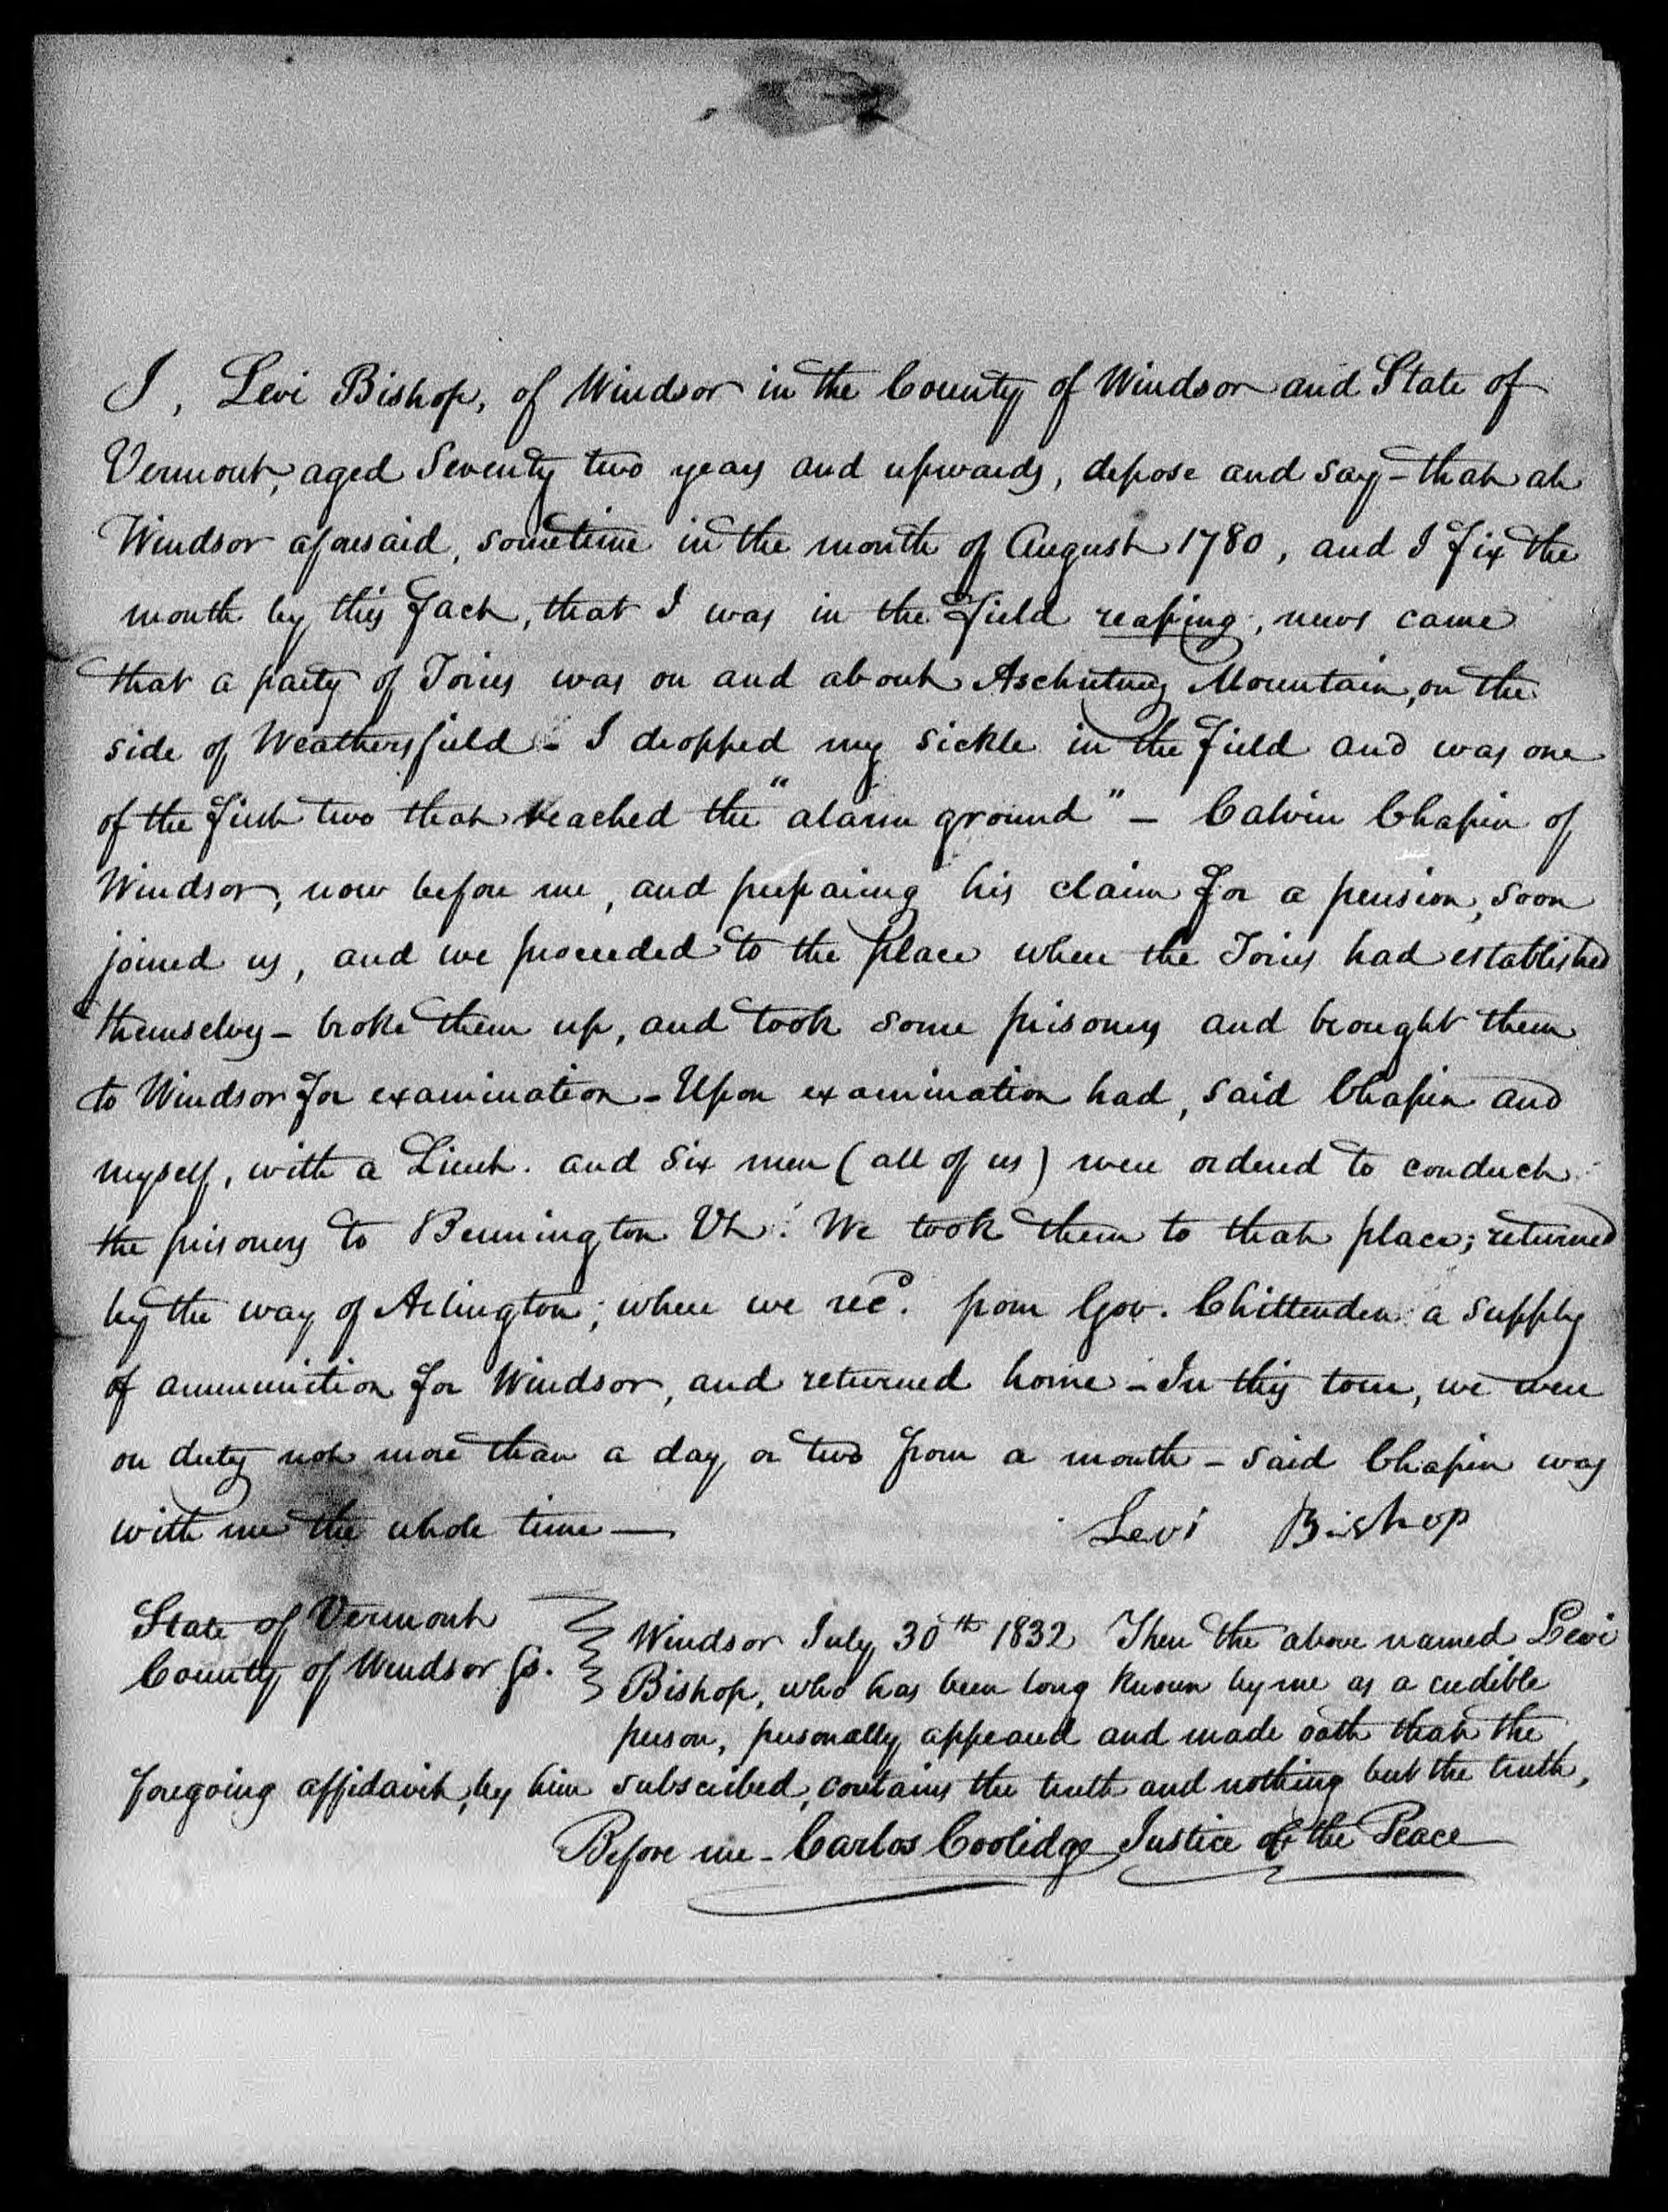I, Levi Bishop, of Windsor and State of Vermont, aged seventy two years and upwards, depose and say - that at Windsor aforesaid, sometime in the month of August 1780, and I fix the month by this fact, that I was in the field reaping, news came that a party of Tories was on and about Aschutney Mountain, on the side of Weathersfield. I dropped my sickle in the field and was one of the first two that reached the "alarm ground" - Calvin Chapin of Windsor, now before me, and preparing his claim for a pension, soon joined us, and we proceeded to the place where the Tories had established themselves - woke them up, and took some prisoners and brought them to Windsor for examination. Upon examination had, said Chapin and myself, with a Lieut. and six men (all of us) were ordered to conduct the prisoner to Bennington Vt. We took them to that place; returned by the way of Arlington; where we rec'd from Gov. Chittendon a supply of ammunition for Windsor, and returned home - In this tour, we were on duty not more than a day or two from a month - said Chapin was with us the whole time - 
/s/Levi Bishop

State of Vermont
County of Windsor ss.} Windsor July 30th 1832 Then the above named Levi Bishop, who has been long known by me as a credible person, personally appeared and made oath that the foregoing affidavit, by him subscribed, contains the truth and nothing but the truth, 
Before me - /s/Carlos Coolidge Justice of the Peace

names: Levi Bishop, Levi Bishop, Carlos Coolidge, Levi Bishop, Chapin, Calvin Chapin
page: 33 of 35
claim: widow's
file: W. 20,864, Calvin Chapin, Mass. Vt.